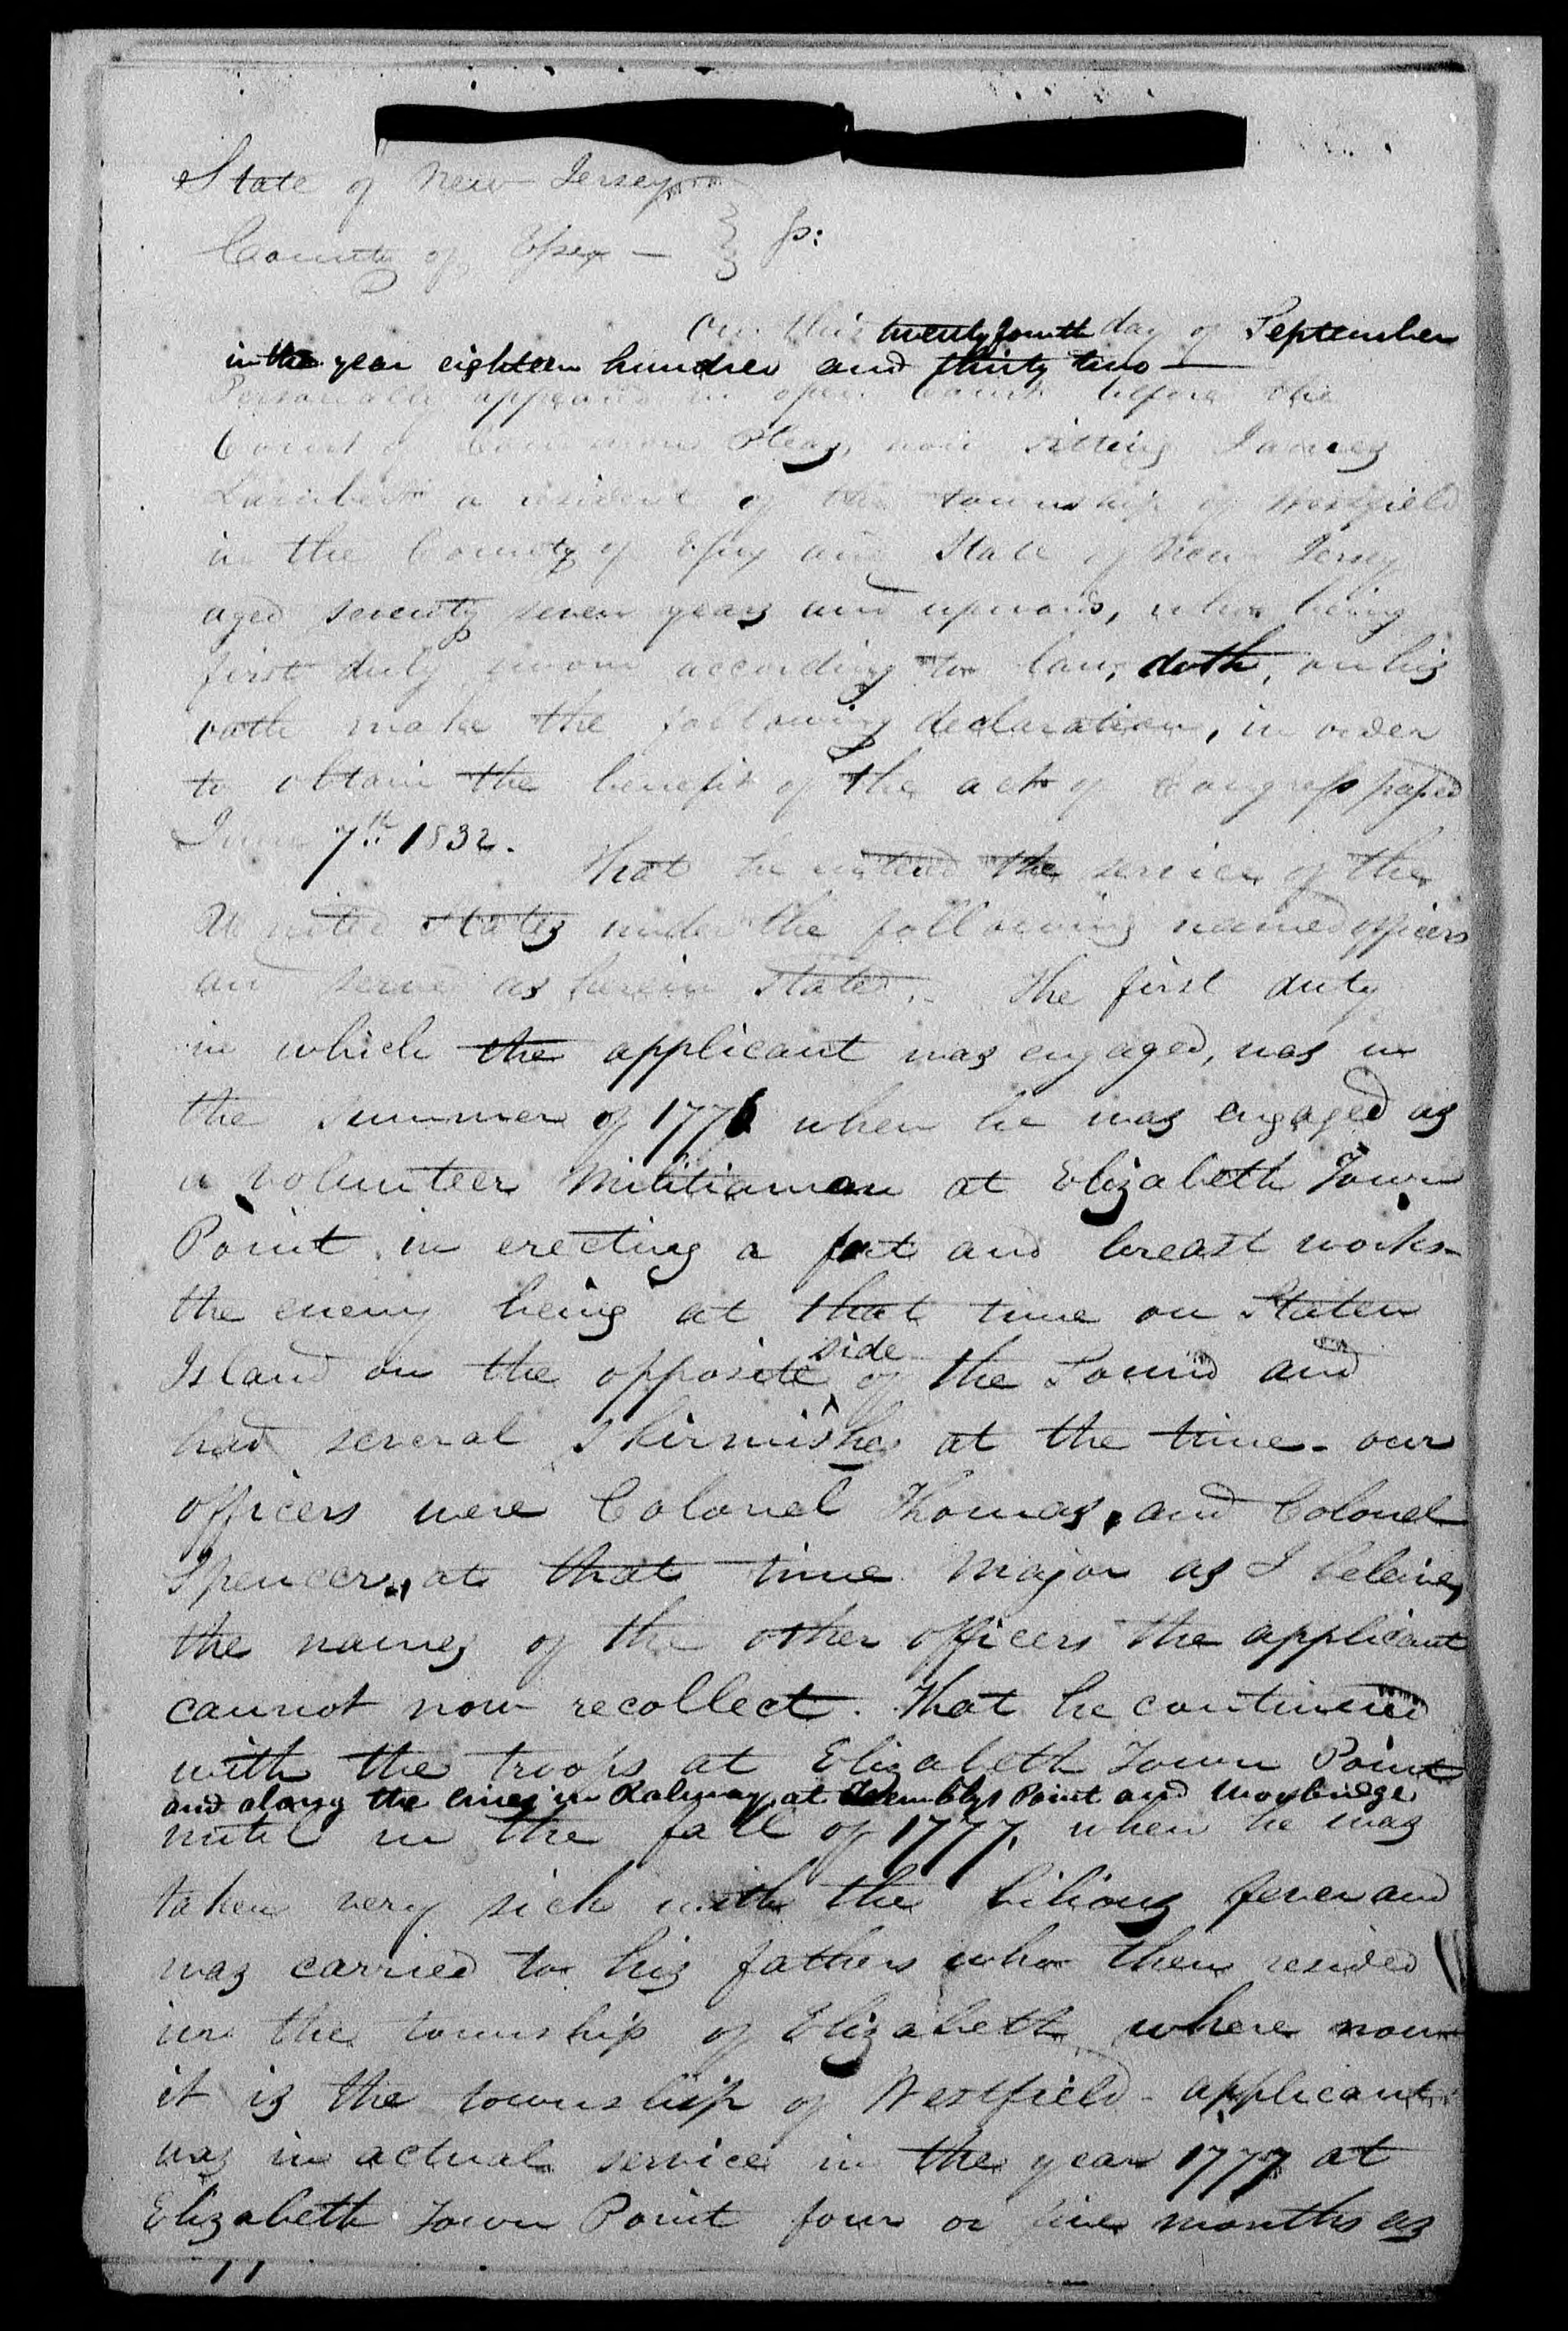State of New or
County of Essex } ss:
On this twenty fourth day of September in the year eighteen hundred and thirty two Personally appeared in open Court before the
Court of Common Pleas now sitting James
Lambert a resident of the township of Westfield in the County of Essex and State of New Jersey aged seventy seven years and upon, who being first duly sworn according to law, doth, on oath make the following declaration, in order to obtain the benefit of the act of Congress passed June 7th 1832.
That he enterd the service of the United States under the following named officers and served as herein stated. The first duty in which the applicant was engaged, was in the summer of 1776 when he was engaged as a volunteer Militiaman at Elizabeth Town Point in erecting a fort and breast works the enemy being at that time on Staten Island on the opposite side of the sound and had several skirmishes at the time. Our officers were Colonel Thomas and Colonel Spencer, at that time major as I believe
the names of the other officers the applicant
cannot now recollect. That he continued
with the troops at Elizabeth Town point
and along the lines in Ralway at [illegible] Point and Mossbridge. until in the fall of 1777, when he was taken very sick with the billious fever and was carried to his fathers who then resided in the township of Elizabeth, where now it is the township of Westfield applicant was in actual service in the year 1777 at
Elizabeth Town Count four or five months as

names: [BLANK] Thomas; [BLANK] Spencer; James Lambert; Elizabeth [BLANK]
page: 6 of 49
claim: widow's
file: W. 859, for James Lambert, New Jersey